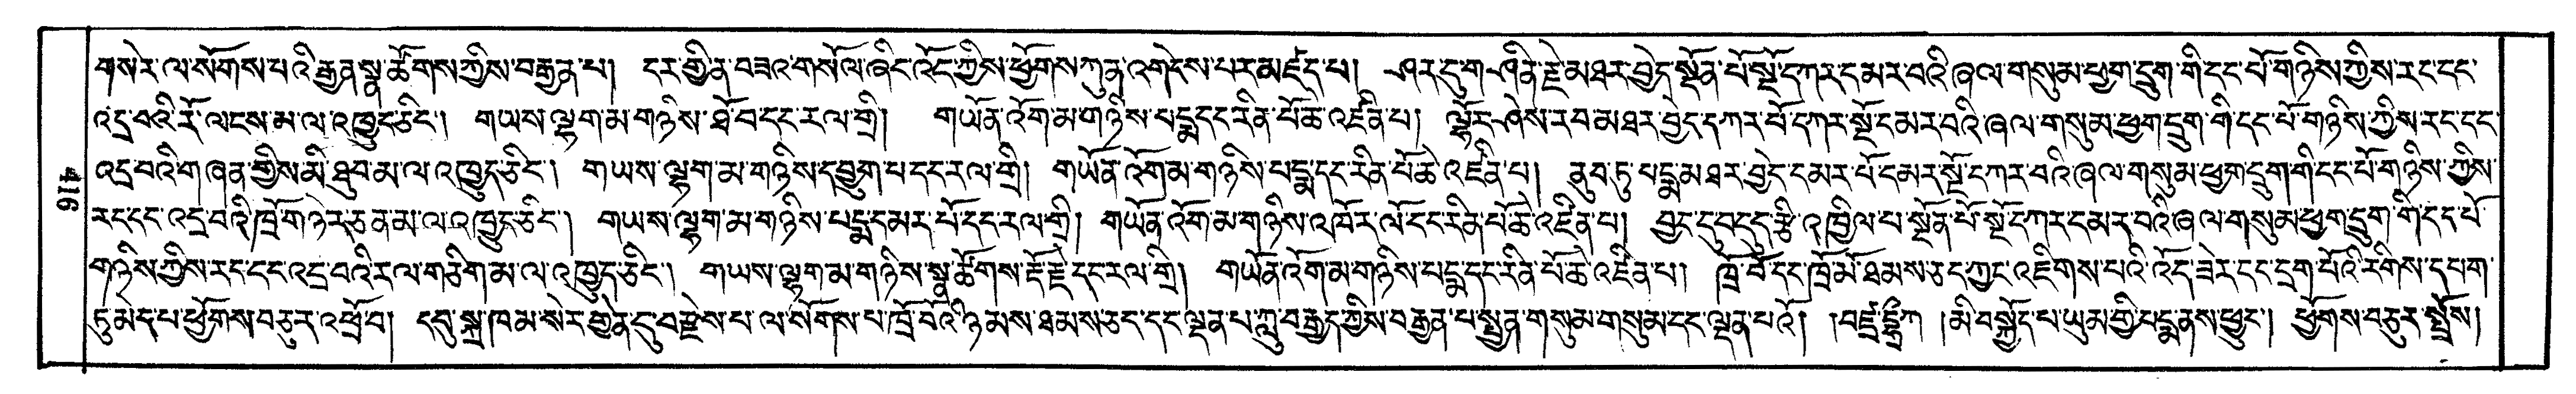གསེར་ལ་སོགས་བའི་རྒྱན་སྣ་ཚོགས་ཀྱིས་བརྒྱན་པ། དར་གྱི་ན་བཟའ་གསོལ་ཞིང་འོད་ཀྱིས་ཕྱོགས་ཀུན་འགེངས་པར་མཛད་པ། ཤར་དུ་གཤིན་རྗེ་མཐར་བྱེད་སྔོན་པོ་སྔོ་དཀར་དམར་བའི་ཞལ་གསུམ་ཕྱག་དྲུག་གི་དང་པོ་གཉིས་ཀྱིས་རང་དང་
འདྲ་བའི་རོ་ལངས་མ་ལ་འཁྱུད་ཅིང་། གཡས་ལྷག་མ་གཉིས་ཐོ་བ་དང་རལ་གྲི། གཡོན་འོག་མ་གཉིས་པདམ་དང་རིན་པོ་ཆེ་འཛིན་པ། ལྷོར་ཤེས་རབ་མཐར་བྱེད་དཀར་པོ་དཀར་སྔོ་དམར་བའི་ཞལ་གསུམ་ཕྱག་དྲུག་གི་དང་པོ་གཉིས་ཀྱིས་རང་དང་
འདྲ་བའི་གཞན་གྱིས་མི་ཐུབ་མ་ལ་འཁྱུད་ཅིང་། གཡས་ལྷག་མ་གཉིས་དབྱུག་པ་དང་རལ་གྲི། གཡོན་འོག་མ་གཉིས་པདམ་དང་རིན་པོ་ཆེ་འཛིན་པ། ནུབ་ཏུ་པདམ་མཐར་བྱེད་དམར་པོ་དམར་སྔོ་དཀར་བའི་ཞལ་གསུམ་ཕྱག་དྲུག་གི་དང་པོ་གཉིས་ཀྱིས་
རང་དང་འད་བའི་ཁྲོ་གཉེར་ཅན་མ་ལ་འཁྱུད་ཅིང་། གཡས་ལྷག་མ་གཉིས་པདམ་དམར་པོ་དང་རལ་གྲི། གཡོན་འོག་མ་གཉིས་འཁོར་ལོ་དང་རིན་པོ་ཆེ་འཛིན་པ། བྱང་དུ་བདུད་རྩི་འཁྱིལ་པ་སྔོན་པོ་སྔོ་དཀར་དམར་བའི་ཞལ་གསུམ་ཕྱག་དྲུག་གི་དང་པོ་
གཉིས་ཀྱིས་རང་དང་འདྲ་བའི་རལ་གཅིག་མ་ལ་འཁྱུད་ཅིང་། གཡས་ལྷག་མ་གཉིས་སྣ་ཚོགས་རྡོ་རྗེ་དང་རལ་གྲི། གཡོན་འོག་མ་གཉིས་པདམ་དང་རིན་པོ་ཆེ་འཛིན་པ། ཁྲོ་བོ་དང་ཁྲོ་མོ་ཐམས་ཅད་ཀྱང་འཇིགས་པའི་འོད་ཟེར་དང་དྲག་པོའི་རིགས་དཔག་
ཏུ་མེད་པ་ཕྱོགས་བཅུར་འཕྲོ་བ། དབུ་སྐྲ་ཁམ་སེར་གྱེན་དུ་བརྫེས་པ་ལ་སོགས་པ་ཁྲོ་བོའི་ཉམས་ཐམས་ཅད་དང་ལྡན་པ་ཀླུ་བརྒྱད་ཀྱིས་བརྒྱན་པ་སྤྱན་གསུམ་གསུམ་དང་ལྡན་པའོ། །བཛྲ་དྷྲྀཀ །མི་བསྐྱོད་པ་ཡུམ་གྱི་པདམ་ནས་ཕྱུང་། ཕྱོགས་བཅུར་སྤྲོས།